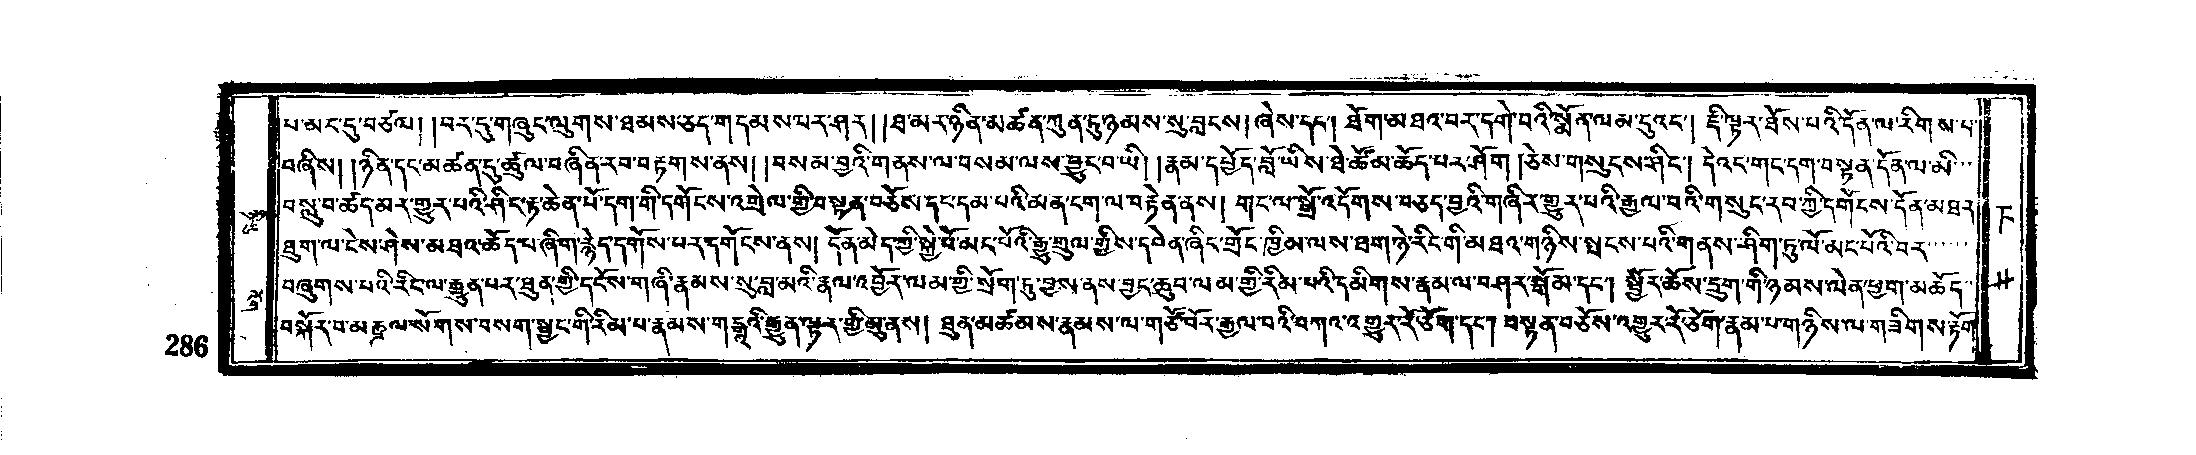པ་མང་དུ་བཙལ། །བར་དུ་གཞུང་ལུགས་ཐམས་ཅད་གདམས་པར་ཤར། །ཐ་མར་ཉིན་མཚན་ཀུན་ཏུ་ཉམས་སུ་བླངས། ཞེས་དང་། ཐོག་མཐའ་བར་དགེ་བའི་སྨོན་ལམ་དུའང་། ཇི་ལྟར་ཐོས་པའི་དོན་ལ་རིགས་པ་
བཞིས། །ཉིན་དང་མཚན་དུ་ཚུལ་བཞིན་རབ་བརྟགས་ནས། །བསམ་བྱའི་གནས་ལ་བསམ་ལས་བྱུང་བ་ཡི། །རྣམ་དཔྱོད་བློ་ཡིས་ཐེ་ཚོམ་ཆོད་པར་ཤོག །ཅེས་གསུངས་ཤིང་། དེའང་གང་དག་བསྟན་དོན་ལ་མི་
བསླུ་བ་ཚད་མར་གྱུར་པའི་ཤིང་རྟ་ཆེན་པོ་དག་གི་དགོངས་འགྲེལ་གྱི་བསྟན་བཅོས་དང་དམ་པའི་མན་ངག་ལ་བརྟེན་ནས། གང་ལ་སྒྲོ་འདོགས་བཅད་བྱའི་གཞིར་གྱུར་པའི་རྒྱལ་བའི་གསུང་རབ་ཀྱི་དགོངས་དོན་མཐར་
ཐུག་ལ་ངེས་ཤེས་མཐའ་ཆོད་པ་ཞིག་རྙེད་དགོས་པར་དགོངས་ནས། དོན་མེད་ཀྱི་སྐྱེ་བོ་མང་པོའི་རྒྱུ་གྲུལ་གྱིས་དབེན་ཞིང་གྲོང་ཁྱིམ་ལས་ཐག་ཉེ་རིང་གི་མཐའ་གཉིས་སྤངས་པའི་གནས་ཤིག་ཏུ་ལོ་མང་པོའི་བར་
བཞུགས་པའི་རིང་ལ་རྒྱུན་པར་ཐུན་གྱི་དངོས་གཞི་རྣམས་སུ་བླ་མའི་རྣལ་འབྱོར་ལམ་གྱི་སྲོག་ཏུ་བྱས་ནས་བྱང་ཆུབ་ལམ་གྱི་རིམ་པའི་དམིགས་རྣམ་ལ་བཤར་སྒོམ་དང་། སྦྱོར་ཆོས་དྲུག་གི་ཉམས་ལེན་ཕྱག་མཆོད་
བསྐོར་བ་མཎྜལ་སོགས་བསག་སྦྱང་གི་རིམ་པ་རྣམས་གངྒཱའི་རྒྱུན་ལྟར་གྱི་མུ་ནས། ཐུན་མཚམས་རྣམས་ལ་གཙོ་བོར་རྒྱལ་བའི་བཀའ་འགྱུར་རོ་ཅོག་དང་། བསྟན་བཅོས་འགྱུར་རོ་ཅོག་རྣམ་པ་གཉིས་ལ་གཟིགས་རྟོག་